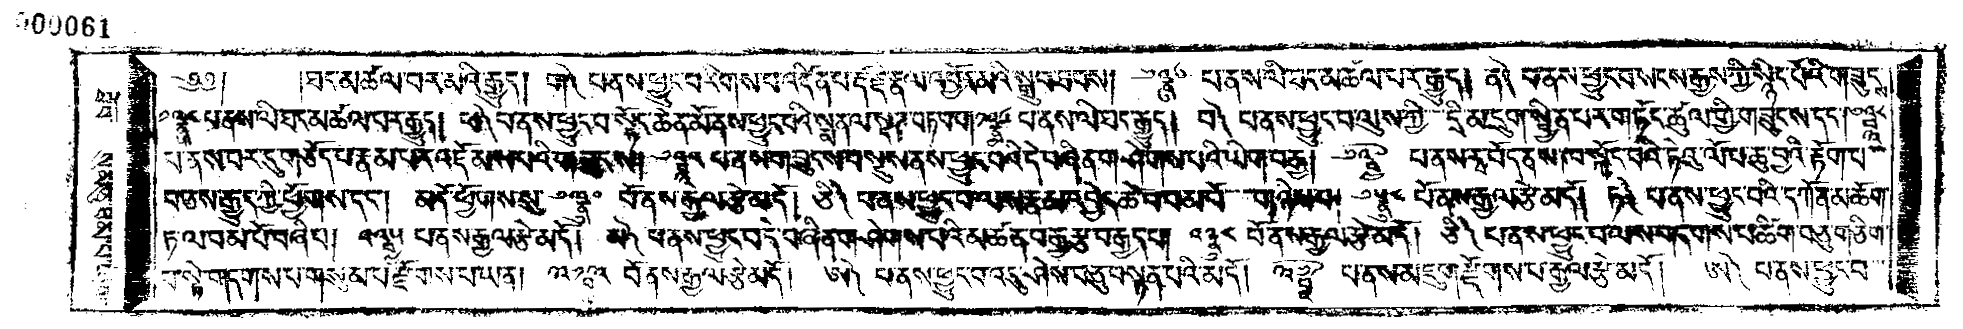༄༅། །ཐང་མཚལ་བར་མའི་རྒྱུད། ག༼་པ་ནས་ཕྱུང་བ་རིགས་པ་འཛིན་པ་རྡོ་རྗེ་རྣལ་འབྱོར་མའི་སྒྲུབ་ཐབས། ༦༢༦ན༦་པ་ནས་ལི་ཐང་མཚལ་པར་རྒྱུད། ན༽ པ་ནས་ཕྱུང་བ་སངས་རྒྱས་ཀྱི་སྙིང་པོའི་གཟུངས་
༡༢༨ན༥་པ་ནས་ལེ་ཐང་མཚལ་པར་རྒྱུད། ཕ༼༽ པ་ནས་ཕྱུང་བ་སྟོང་ཆེན་མོ་ནས་ཕྱུང་བའི་སྨན་ལ་སྔཌ་བཏབ་བ། ༡༢༦ན༤་པ་ནས་ལི་ཐང་རྒྱུད། བ་པ་ནས་ཕྱུང་བ་ལུས་ཀྱི་དྲི་མ་དྲུག་སྦྱིན་པར་གཏོང་ཚུལ་གྱི་གཟུངས་དང་། ༡༢༨བ༣
པ་ནས་བར་དུ་གཅོད་པ་རྣམ་པར་འཇོམས་པའི་གཟུངས། ༡༢༢བ༣་པ་ནས་གཟུངས་བསྡུས་ནས་ཕྱུང་བའི་དེ་བཞིན་གཤེགས་པའི་ཡིག་བརྒྱ། ༦༢༩བ༤་པ་ནས་རྭ་བོད་ནས་ཁ་སྐོང་བའི་ཏེའུ་ལོ་པ་ཆུ་བྱའི་རྟོག་པ་
བཅས་རྒྱུད་ཀྱི་ཕྱོགས་དང་། མདོ་ཕྱོགས་སུ ༡༣༠ན༦་པོ་ནས་རྒྱལ་རྩེ་མདོ། ཅི༼་པ་ནས་ཕྱུང་བ་ལས་རྣམ་འབྱེད་ཆེ་བ་བམ་བོ་གཉིས་པ། ༦༥༨ན༦་པོ་ནས་རྒྱལ་རྩེ་མདོ། ཏ༽ པ་ནས་ཕྱུང་བའི་དཀོན་མཆོག་
ཏ་ལ་བམ་པོ་བཞི་པ། ༢༢༥བ༤་པ་ནས་རྒྱལ་རྩེ་མདོ། མ༼་པ་ནས་ཕྱུང་བ་དེ་བཞིན་གཞིན་གཤེགས་པའི་མཚན་བརྒྱ་རྩ་བརྒྱད་པ། ༢༢༨ན༦་བོ་ནས་རྒྱལ་རྩེ་མདོ། ཅི༽ པ་ནས་ཕྱུང་བ་ལས་གདགས་པ་ཚིག་བཅུ་གཅིག་
པ་སྟེ་གདགས་པ་གསུམ་པ་རྫོགས་པ་ཡན། ༣༡༣བ༦་བོ་ནས་རྒྱལ་རྩེ་མདོ། ཨ༼་པ་ནས་ཕྱུང་བ་འདུ་ཤེས་བཅུ་བསྟན་པའི་མདོ། ༣༦༩བ༢་པ་ནས་མཇུག་རྫོགས་པ་རྒྱལ་རྩེ་མདོ། ཨ༽ པ་ནས་ཕྱུང་བ་